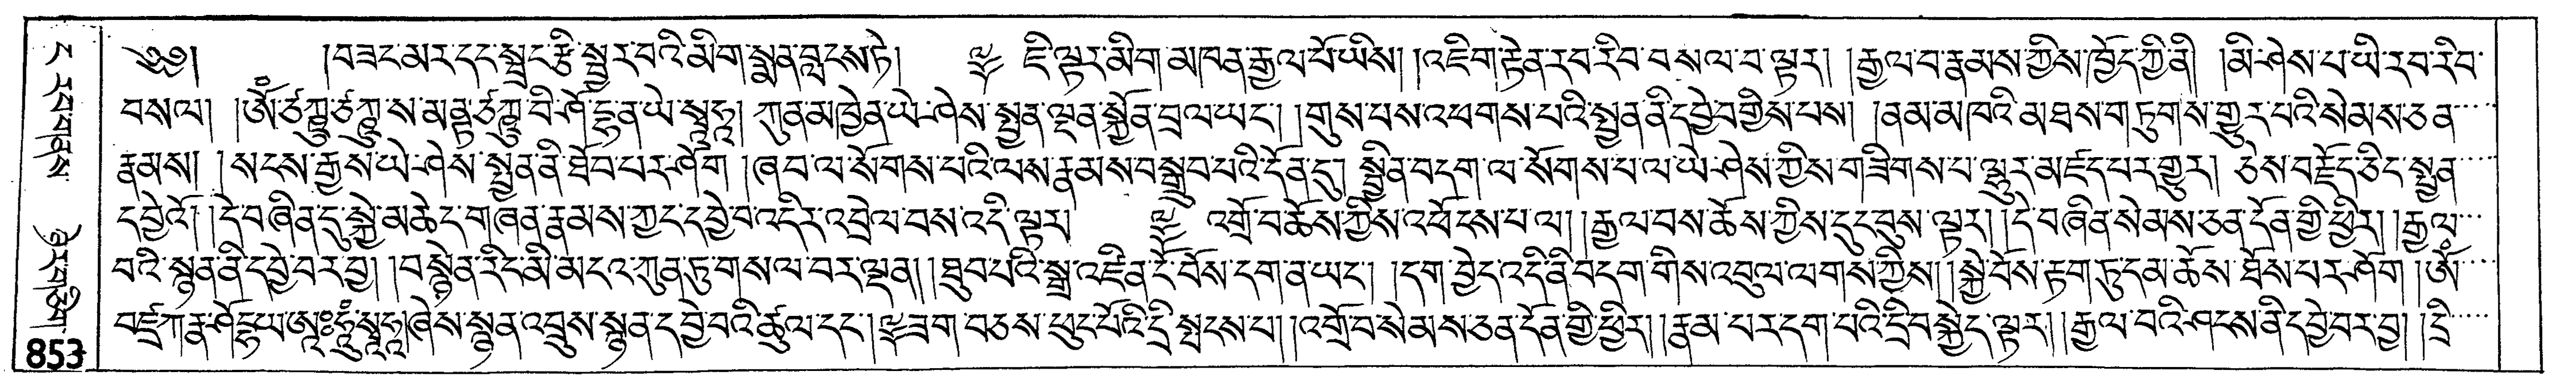༄༅། །བཟང་མར་དང་སྦྲང་རྩི་སྦྱར་བའི་མིག་སྨན་བླངས་ཏེ། ༈ ཇི་ལྟར་མིག་མཁན་རྒྱལ་པོ་ཡིས། །འཇིག་རྟེན་རབ་རིབ་བསལ་བ་ལྟར། །རྒྱལ་བ་རྣམས་ཀྱིས་ཁྱོད་ཀྱི་ནི། །མི་ཤེས་པ་ཡི་རབ་རིབ་
བསལ། །ཨོཾ་ཙཀྵུ་ཙཀྵུ་ས་མནྟ་ཙཀྵུ་བི་ཤོ་དྷ་ན་ཡེ་སྭཱཧཱ། ཀུན་མཁྱེན་ཡེ་ཤེས་སྤྱན་ལྡན་སྐྱོན་བྲལ་ཡང་། །གུས་པས་འཕགས་པའི་སྤྱན་ནི་དབྱེ་བགྱིས་པས། །ནམ་མཁའི་མཐས་གཏུགས་གྱུར་པའི་སེམས་ཅན་
རྣམས། །སངས་རྒྱས་ཡེ་ཤེས་སྤྱན་ནི་ཐོབ་པར་ཤོག །ཞབ་ལ་སོགས་པའི་ལས་རྣམས་བསྒྲུབ་པའི་དོན་དུ། སྦྱིན་བདག་ལ་སོགས་པ་ལ་ཡེ་ཤེས་ཀྱིས་གཟིགས་པ་ལྷུར་མཛད་པར་གྱུར། ཅེས་བརྗོད་ཅིང་སྤྱན་
དབྱེའོ། །དེ་བཞིན་དུ་སྐྱེ་མཆེད་གཞན་རྣམས་ཀྱང་དབྱེ་བ་འདིར་འབྲེལ་བས་འདི་ལྟར། ༈ འགྲོ་བ་ཆོས་ཀྱིས་འཕོངས་པ་ལ། །རྒྱལ་བས་ཆོས་ཀྱིས་དུང་བུས་ལྟར། །དེ་བཞིན་སེམས་ཅན་དོན་གྱི་ཕྱིར། །རྒྱལ་
བའི་སྙན་ནི་དབྱེ་བར་བྱ། །བསྙེན་རིང་མི་མངའ་ཀུན་ཏུ་གསལ་བར་ལྡན། །ཐུབ་པའི་སྒྲ་འཛིན་ངོ་བོས་དག་ན་ཡང་། །དག་བྱེད་འདི་ནི་བདག་གིས་འབུལ་ལགས་ཀྱིས། །སྐྱེ་བོས་རྟག་ཏུ་དམ་ཆོས་ཐོས་པར་ཤོག །ཨོཾ་
བཛྲ་ཀརྣ་ཤོདྷཡ་ཨཱཿ ཧཱུཾ་སྭཱཧཱ། ཞེས་སྙན་འབྲུས་སྙན་དབྱེ་བའི་ཚུལ་དང་། ༈ ཟག་བཅས་ཕུང་པོའི་དྲི་སྤངས་པ། །འགྲོ་བ་སེམས་ཅན་དོན་གྱི་ཕྱིར། །རྣམ་པར་དག་པའི་དྲི་བསྐྱེད་ལྟར། །རྒྱལ་བའི་ཤངས་ནི་དབྱེ་བར་བྱ། །དྲི་